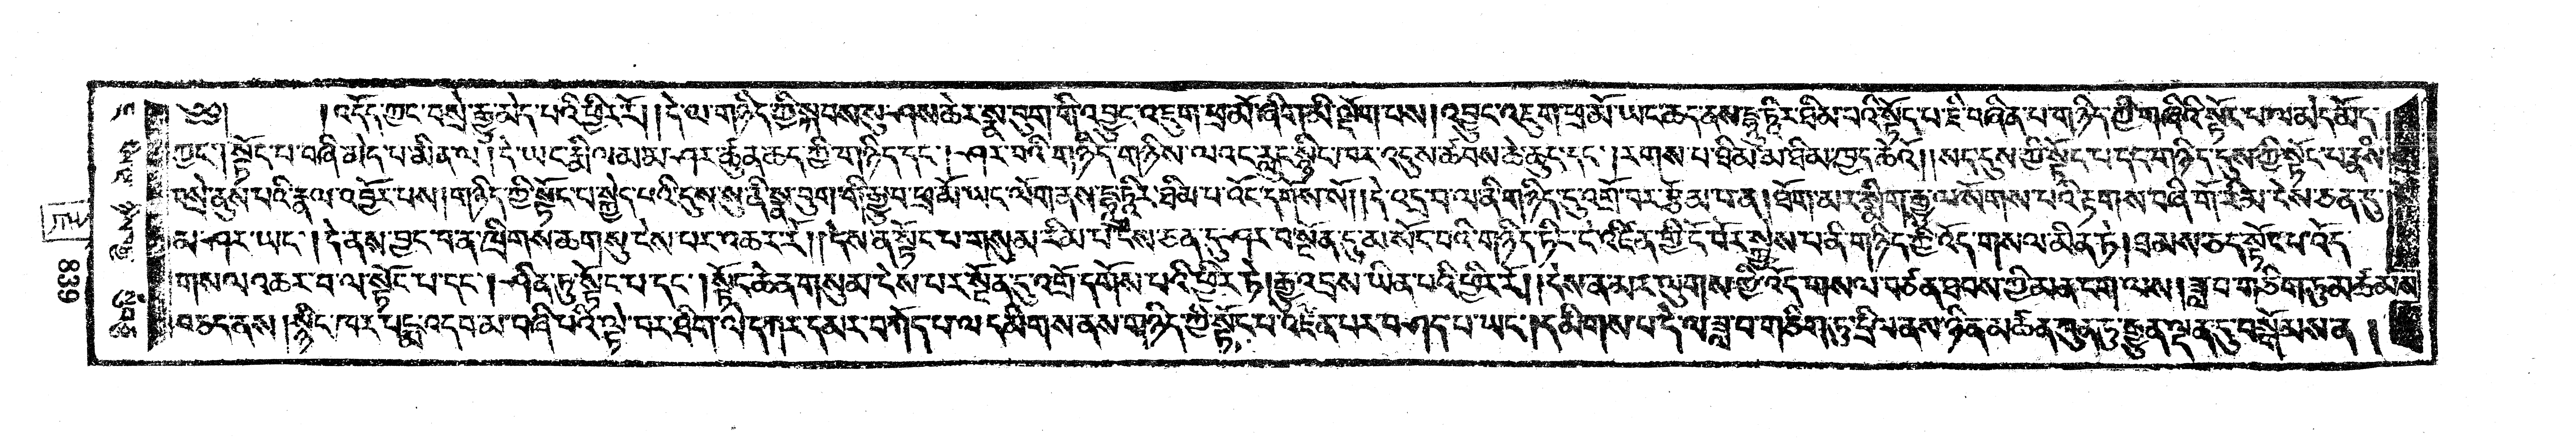༄༅། ། འདོད་ཀྱང་བསྲེ་རྒྱུ་མེད་པའི་ཕྱིར་རོ། །དེ་ལ་གཉིད་ཀྱི་སྐབས་སུ་ཤེས་ཆེར་སྣ་བུག་གི་འབྱུང་འཇུག་ཕྲ་མོ་ཞིག་མི་ལྡོག་པས། འབྱུང་འཇུག་ཕྲ་མོ་ཡང་ཆད་ནས་དྷཱུ་ཏཱིར་ཐིམ་པའི་སྟོང་པ་ཇི་བཞིན་པ་གཉིད་ཀྱི་གཞིའི་སྟོང་པ་ལ་མེད་མོད་
ཀྱང་། སྟོང་པ་བཞི་མེད་པ་མིན་ལ། དེ་ཡང་རྨི་ལམ་མ་ཤར་ཚུན་ཆད་ཀྱི་གཉིད་དང་། ཤར་བའི་གཉིད་གཉིས་ལའང་རླུང་སྙིང་ཁར་འདུས་ཚབས་ཆེ་ཆུང་དང་། རགས་པ་ཐིམ་མ་ཐིམ་ཁྱད་ཆེའོ། །སད་དུས་ཀྱི་སྟོང་པ་དང་གཉིད་དུས་ཀྱི་སྟོང་པ་རྣམས་
བསྲེ་ནུས་པའི་རྣལ་འབྱོར་པས། གཉིད་ཀྱི་སྟོང་པ་སྐྱེད་པའི་དུས་སུ་ནི་སྣ་བུག་གི་རྒྱུ་བ་ཕྲ་མོ་ཡང་ལོག་ནས་དྷཱུ་ཏཱིར་ཐིམ་པ་འོང་དགོས་སོ། །དེ་འདྲ་བ་ལ་ནི་གཉིད་དུ་འགྲོ་བར་རྩོམ་པ་ན། ཐོག་མར་སྨིག་རྒྱུ་ལ་སོགས་པའི་རྟགས་བཞི་གོ་རིམ་ངེས་ཅན་དུ་
མ་ཤར་ཡང་། དེ་ནས་བྱང་བ་ན་ཁྲིགས་ཆགས་སུ་ངེས་པར་འཆར་རོ། །དེས་ན་སྟོང་པ་གསུམ་རིམ་པ་ངེས་ཅན་དུ་ཤར་བ་སྔོན་དུ་མ་སོང་བའི་གཉིད་ཏིང་ངེ་འཛིན་གྱི་ངོ་བོར་སྐྱེས་པ་ནི་གཉིད་ཀྱི་འོད་གསལ་མིན་ཏེ། ཐམས་ཅད་སྟོང་པ་འོད་
གསལ་འཆར་བ་ལ་སྟོང་པ་དང་། ཤིན་ཏུ་སྟོང་པ་དང་། སྟོང་ཆེན་གསུམ་ངེས་པར་སྔོན་དུ་འགྲོ་དགོས་པའི་ཕྱིར་ཏེ། རྒྱུ་འབྲས་ཡིན་པའི་ཕྱིར་རོ། །དེས་ན་མར་ལུགས་ཀྱི་འོད་གསལ་བཙན་ཐབས་ཀྱི་མན་ངག་ལས། ཟླ་བ་གཅིག་ཏུ་མཚམས་
བཅད་ནས། སྙིང་ཁར་པདམ་འདབ་མ་བཞི་པའི་ལྟེ་བར་ཐིག་ལེ་དཀར་དམར་བཀོད་པ་ལ་དམིགས་ནས་གཉིད་ཀྱི་སྟོང་པ་འཛིན་པར་བཤད་པ་ཡང་། དམིགས་པ་དེ་ལ་ཟླ་བ་གཅིག་ཏུ་དྲིལ་ནས་ཉིན་མཚན་ཀུན་ཏུ་རྒྱུན་ལྡན་དུ་བསྒོམས་ན།